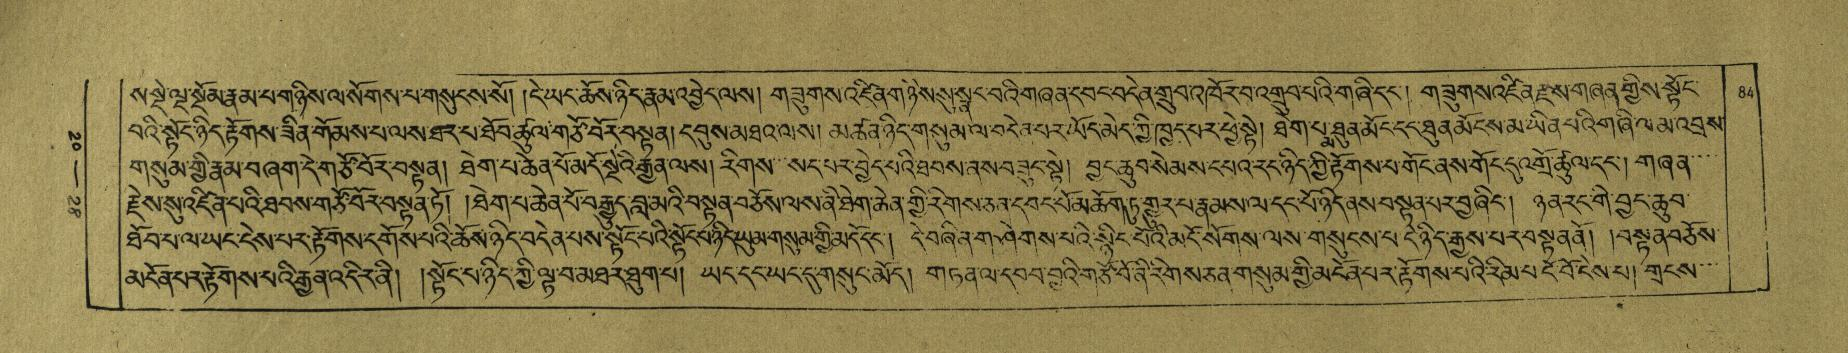ས་སྡེ་ལྔ་སྡོམ་རྣམ་པ་གཉིས་ལ་སོགས་པ་གསུངས་སོ། །དེ་ཡང་ཆོས་ཉིད་རྣམ་འབྱེད་ལས། གཟུགས་འཛིན་གཉིས་སུ་སྣང་བའི་གཞན་དབང་བདེན་གྲུབ་འཁོར་བ་འགྲུབ་པའི་གཞི་དང་། གཟུགས་འཛིན་རྫས་གཞན་གྱིས་སྟོང་
བའི་སྟོང་ཉིད་རྟོགས་ཟིན་གོམས་པ་ལས་ཐར་པ་ཐོབ་ཚུལ་གཙོ་བོར་བསྟན། དབུས་མཐའ་ལས། མཚན་ཉིད་གསུམ་ལ་བདེན་པར་ཡོད་མེད་ཀྱི་ཁྱད་པར་ཕྱེ་སྟེ། ཐེག་པ་མཐུན་མོང་དང་ཐུན་མོངས་མ་ཡིན་པའི་གཞི་ལ་མ་འབྲས་
གསུམ་གྱི་རྣམ་བཞག་དེ་གཙོ་བོར་བསྟན། ཐེག་པ་ཆེན་པོ་མདོ་སྡེའི་རྒྱན་ལས། རིགས་སང་པར་བྱེད་པའི་ཐབས་ནས་བཟུང་སྟེ། བྱང་ཆུབ་སེམས་དཔའ་རང་ཉིད་ཀྱི་རྟོགས་པ་གོང་ནས་གོང་དུ་འགྲོ་ཚུལ་དང་། གཞན་
རྗེས་སུ་འཛིན་པའི་ཐབས་གཙོ་བོར་བསྟན་ཏོ། །ཐེག་པ་ཆེན་པོ་བརྒྱུད་བླ་མའི་བསྟན་བཅོས་ལས་ནི་ཐེག་ཆེན་གྱི་རིགས་ཅན་དབང་པོ་མཆོག་ཏུ་གྱུར་པ་རྣམས་ལ་དང་པོ་ཉིད་ནས་བསྟན་པར་བྱ་ཞིང་། ཉན་རང་གི་བྱང་ཆུབ་
ཐོབ་པ་ལ་ཡང་ངེས་པར་རྟོགས་དགོས་པའི་ཆོས་ཉིད་བདེན་པས་སྟོང་པའི་སྟོང་པ་ཉིད་ཡུམ་གསུམ་གྱི་མདོ་དང་། དེ་བཞིན་གཤེགས་པའི་སྙིང་པོའི་མདོ་སོགས་ལས་གསུངས་པ་དེ་ཉིད་རྒྱས་པར་བསྟན་ནོ། །བསྟན་བཅོས་
མངོན་པར་རྟོགས་པའི་རྒྱན་འདིར་ནི། །སྟོང་པ་ཉིད་ཀྱི་ལྟ་བ་མཐར་ཐུག་པ། ཡང་དང་ཡང་དུ་གསུང་མོད། གཏན་ལ་དབབ་བྱའི་གཙོ་བོ་ནི་རིགས་ཅན་གསུམ་གྱི་མངོན་པར་རྟོགས་པའི་རིམ་པ་ངོ་བོ་ངེས་པ། གྲངས་